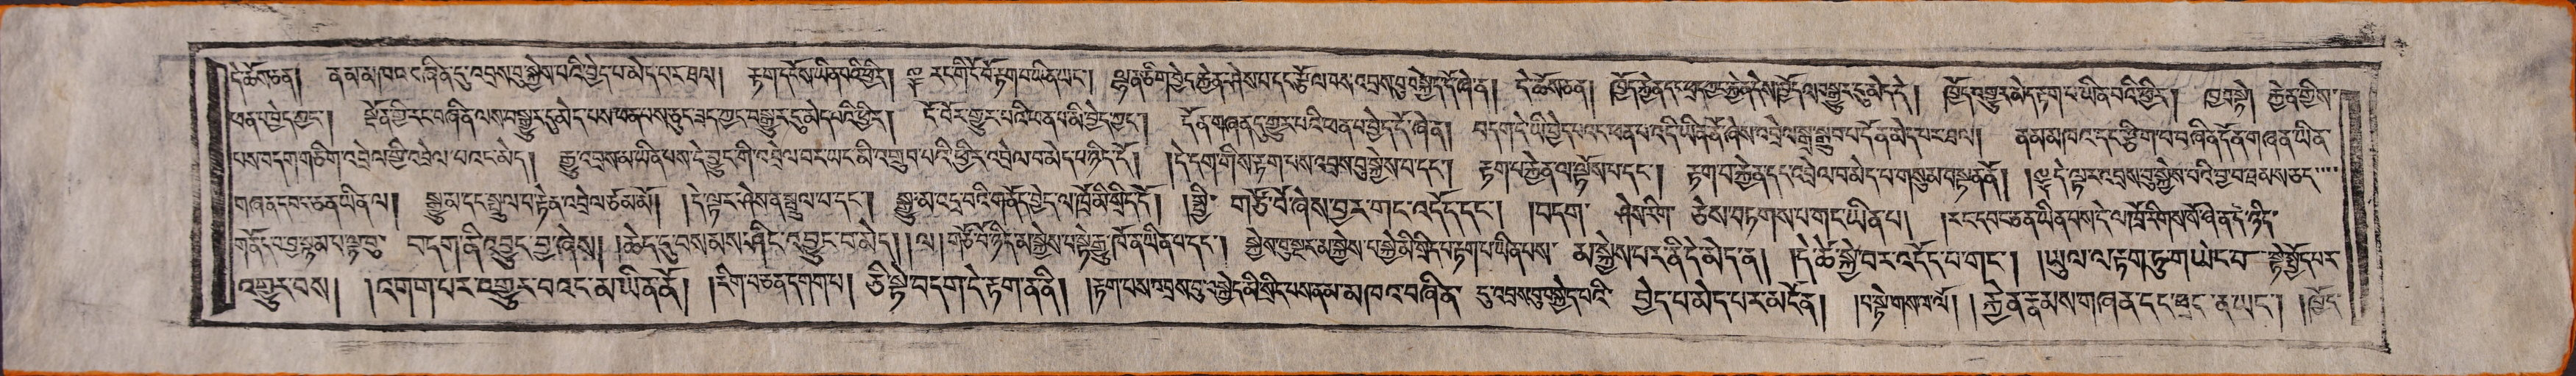དེ་ཆོས་ཅན། ནམ་མཁའ་བཞིན་དུ་འབྲས་བུ་སྐྱེས་པའི་བྱེད་པ་མེད་པར་ཐལ། རྟག་དངོས་ཡིན་པའི་ཕྱིར། ༈ རང་གི་ངོ་བོ་རྟག་པ་ཡིན་ཡང་། ལྷན་ཅིག་བྱེད་རྐྱེན་ཤེས་པ་དང་རྩོལ་བས་འབྲས་བུ་བསྐྱེད་དོ་ཞེ་ན། དེ་ཆོས་ཅན། ཁྱོད་རྐྱེན་དང་ཀྱང་རྐྱེན་དེས་ཁྱོད་ལ་བསྒྱུར་དུ་མེད་དེ། ཁྱོད་འགྱུར་མེད་རྟག་པ་ཡིན་པའི་ཕྱིར། ཁྱབ་སྟེ། རྐྱེན་གྱིས་
ཡན་པ་བྱེད་ཀྱང་། སྔོན་གྱི་རང་བཞིན་ལས་བསྒྱུར་དུ་མེད་པས་ཕན་པས་ཅུང་ཟད་ཀྱང་བསྒྱུར་དུ་མེད་པའི་ཕྱིར། ངོ་བོར་གྱུར་པའི་ཕན་པ་མི་བྱེད་ཀྱང་། དོན་གཞན་དུ་གྱུར་བའི་ཕན་པ་བྱེད་དོ་ཞེ་ན། བདག་དེ་ཡི་བྱེད་པའང་ཕན་པ་འདི་ཡིན་ནོ་ཞེས་འབྲེལ་སྒྲ་སྒྲུབ་པ་དོན་མེད་པར་ཐལ། ནམ་མཁའ་དང་རྩིག་པ་བཞིན་དོན་གཞན་ཡིན་
པས་བདག་གཅིག་འདྲེལ་གྱི་འབྲེལ་བའང་མེད། རྒྱུ་འབྲས་མ་ཡིན་པས་དེ་བྱུང་གི་འབྲེལ་བར་ཡང་མི་འགྲུབ་པའི་ཕྱིར་འབྲེལ་བ་ཉིད་དོ། །དེ་དག་གིས་རྟག་པས་འབྲས་བུ་སྐྱེས་པ་དང་། རྟག་པ་རྐྱེན་ལ་ལྟོས་པ་དང་། རྟག་པ་རྐྱེན་དང་འབྲེལ་པ་མེད་པ་གསུམ་བསྟན་ནོ། །༈ དེ་ལྟར་འབྲས་བུ་སྐྱེས་པའི་བྱ་བ་ཐམས་ཅད་
གཞན་དབང་ཅན་ཡིན་པ། སྒྱུ་མ་དང་སྤྲུལ་པ་རྟེན་འབྲེལ་ཙམ་མོ། །དེ་ལྟར་ཤེས་ན་སྤྲུལ་པ་དང་། སྒྱུ་མ་འདྲ་བའི་གནོད་བྱེད་ལ་ཁྲོ་མི་སྲིད་དོ། །སྤྱི་གཙོ་བོ་ཞེས་བྱར་གང་འདོད་དང་། །བདག་ཤེས་རིག་ཅེས་བཏགས་པ་གང་ཡིན་པ། །རང་དབང་ཅན་ཡིན་པས་དེ་ལ་ཁྲོ་རིགས་སོ་ཞེན། དེ་ཉིད་
གནོད་པ་བྱ་སྙམ་པ་ལྟ་བུ་བདག་ནི་འབྱུང་བྱ་ཞེས། །ཆེད་དུ་བསམས་ཤིང་འབྱུང་བ་མེད། །ལ་། གཙོ་བོ་ཉིད་མ་སྐྱེས་པ་སྟེ་རྒྱུ་ཁོ་ན་ཡིན་པ་དང་། སྐྱེས་བུ་སྔར་མ་སྐྱེས་པ་སྐྱེ་མི་སྲིད་བརྟག་པ་ཡིན་པས་མ་སྐྱེས་པར་ནི་དེ་མེད་ན། །དེ་ཚེ་སྐྱེས་བར་འདོད་པ་གང་། །ཡུལ་ལ་རྟག་ཏུ་གཡེང་བ་སྟེ་སྤྱོད་པར་
འགྱུར་བས། །འགག་པར་འགྱུར་བའང་མ་ཡིན་ནོ། །རིག་པ་ཅན་དགག་པ། ཅི་སྟེ་བདག་དེ་རྟག་ན་ནི། །རྟག་པས་འབྲས་བུ་བསྐྱེད་མི་སྲིད་པས་ནམ་མཁའ་བཞིན་དུ་འབྲས་བུ་བསྐྱེད་པའི་བྱེད་པ་མེད་པར་མངོན། །བ་སྟེ་གསལ་ལོ། །རྐྱེན་རྣམས་གཞན་དང་ཕྲད་ན་ཡང་། །ཁྱོད་